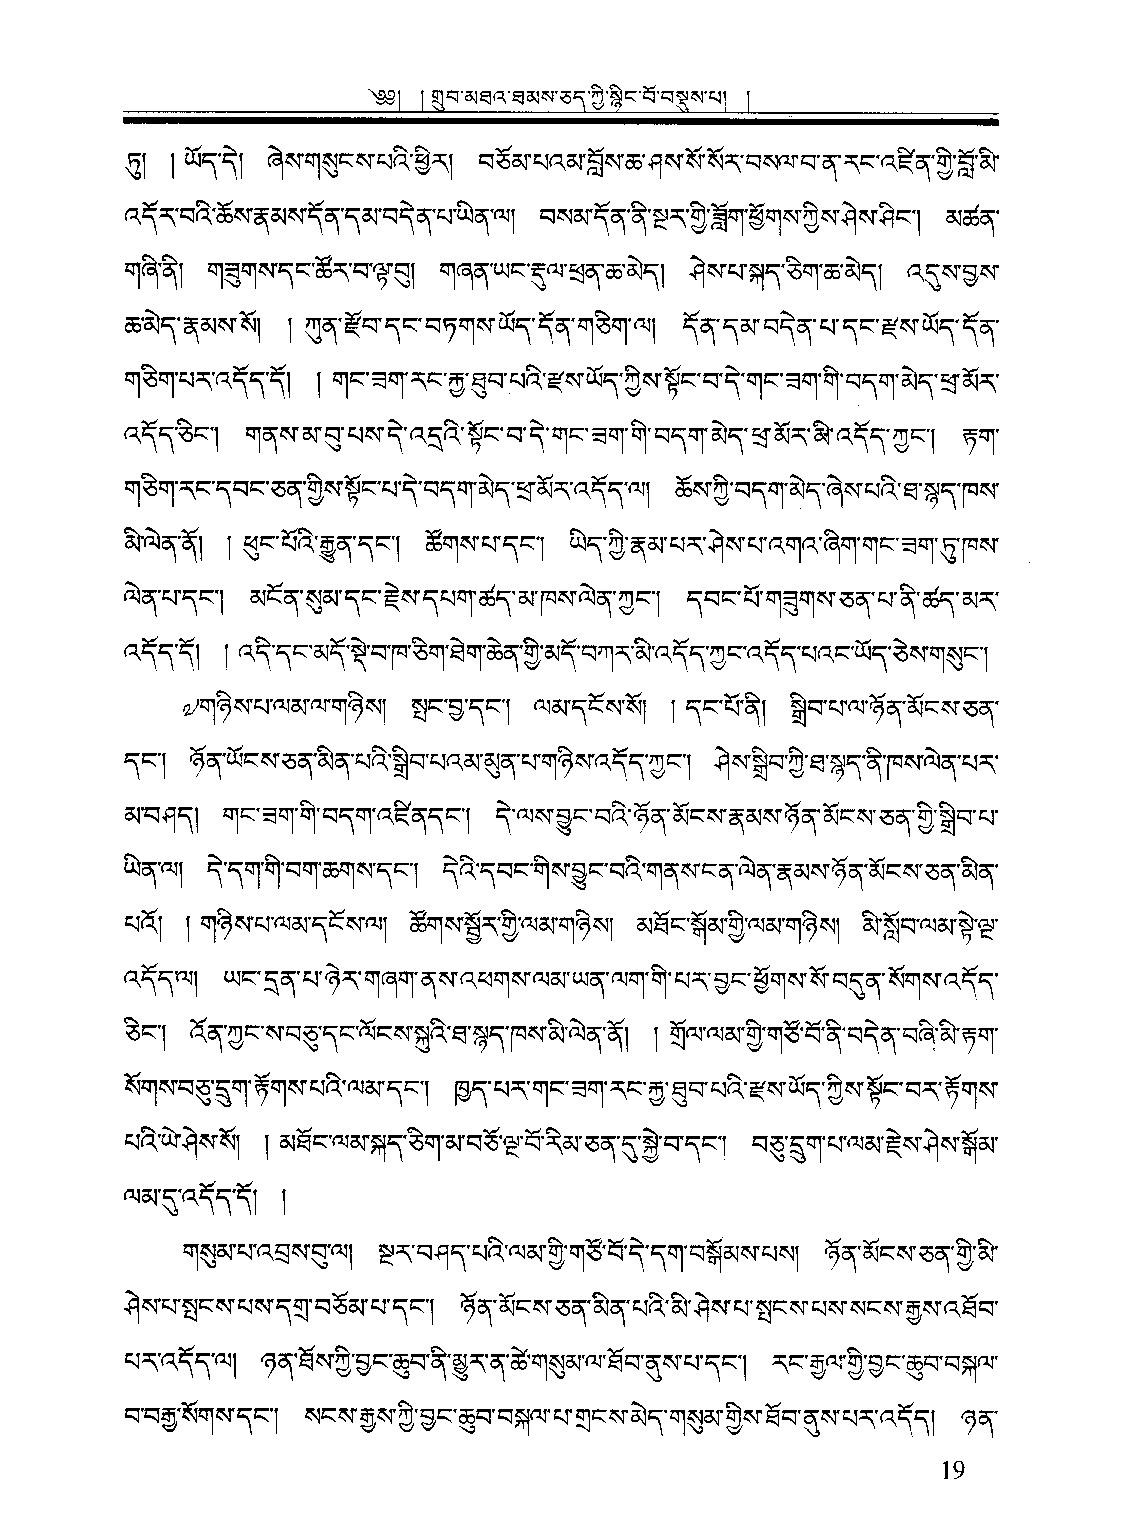ཏུ། །ཡོད་དེ། ཞེས་གསུངས་པའི་ཕྱིར། བཅོམ་པའམ་བློས་ཆ་ཤས་སོ་སོར་བསལ་བ་ན་རང་འཛིན་གྱི་བློ་མི་
འདོར་བའི་ཆོས་རྣམས་དོན་དམ་བདེན་པ་ཡིན་ལ། བསམ་དོན་ནི་སྔར་གྱི་ཟློག་ཕྱོགས་ཀྱིས་ཤེས་ཤིང་། མཚན་
གཞི་ནི། གཟུགས་དང་ཚོར་བ་ལྟ་བུ། གཞན་ཡང་རྡུལ་ཕྲན་ཆ་མེད། ཤེས་པ་སྐད་ཅིག་ཆ་མེད། འདུས་བྱས་
ཆ་མེད་རྣམས་སོ། །ཀུན་རྫོབ་དང་བཏགས་ཡོད་དོན་གཅིག་ལ། དོན་དམ་བདེན་པ་དང་རྫས་ཡོད་དོན་
གཅིག་པར་འདོད་དོ། །གང་ཟག་རང་རྐྱ་ཐུབ་པའི་རྫས་ཡོད་ཀྱིས་སྟོང་བ་དེ་གང་ཟག་གི་བདག་མེད་ཕྲ་མོར་
འདོད་ཅིང་། གནས་མ་བུ་པས་དེ་འདྲའི་སྟོང་བ་དེ་གང་ཟག་གི་བདག་མེད་ཕྲ་མོར་མི་འདོད་ཀྱང་། རྟག་
གཅིག་རང་དབང་ཅན་གྱིས་སྟོང་པ་དེ་བདག་མེད་ཕྲ་མོར་འདོད་ལ། ཆོས་ཀྱི་བདག་མེད་ཞེས་པའི་ཐ་སྙད་ཁས་
མི་ལེན་ནོ། །ཕུང་པོའི་རྒྱུན་དང་། ཚོགས་པ་དང་། ཡིད་ཀྱི་རྣམ་པར་ཤེས་པ་འགའ་ཞིག་གང་ཟག་ཏུ་ཁས་
ལེན་པ་དང་། མངོན་སུམ་དང་རྗེས་དཔག་ཚད་མ་ཁས་ལེན་ཀྱང་། དབང་པོ་གཟུགས་ཅན་པ་ནི་ཚད་མར་
འདོད་དོ། །འདི་དང་མདོ་སྡེ་བ་ཁ་ཅིག་ཐེག་ཆེན་གྱི་མདོ་བཀར་མི་འདོད་ཀྱང་འདོད་པའང་ཡོད་ཅེས་གསུང་།
༧གཉིས་པ་ལམ་ལ་གཉིས། སྤང་བྱ་དང་། ལམ་དངོས་སོ། །དང་པོ་ནི། སྒྲིབ་པ་ལ་ཉོན་མོངས་ཅན་
དང་། ཉོན་ཡོངས་ཅན་མིན་པའི་སྒྲིབ་པའམ་མུན་པ་གཉིས་འདོད་ཀྱང་། ཤེས་སྒྲིབ་ཀྱི་ཐ་སྙད་ནི་ཁས་ལེན་པར་
མ་བཤད། གང་ཟག་གི་བདག་འཛིན་དང་། དེ་ལས་བྱུང་བའི་ཉོན་མོངས་རྣམས་ཉོན་མོངས་ཅན་གྱི་སྒྲིབ་པ་
ཡིན་ལ། དེ་དག་གི་བག་ཆགས་དང་། དེའི་དབང་གིས་བྱུང་བའི་གནས་ངན་ལེན་རྣམས་ཉོན་མོངས་ཅན་མིན་
པའོ། །གཉིས་པ་ལམ་དངོས་ལ། ཚོགས་སྦྱོར་གྱི་ལམ་གཉིས། མཐོང་སྒོམ་གྱི་ལམ་གཉིས། མི་སློབ་ལམ་སྟེ་ལྔ་
འདོད་ལ། ཡང་དྲན་པ་ཉེར་གཞག་ནས་འཕགས་ལམ་ཡན་ལག་གི་པར་བྱང་ཕྱོགས་སོ་བདུན་སོགས་འདོད་
ཅིང་། འོན་ཀྱང་ས་བཅུ་དང་ལོངས་སྐུའི་ཐ་སྙད་ཁས་མི་ལེན་ནོ། །གྲོལ་ལམ་གྱི་གཙོ་བོ་ནི་བདེན་བཞི་མི་རྟག་
སོགས་བཅུ་དྲུག་རྟོགས་པའི་ལམ་དང་། ཁྱད་པར་གང་ཟག་རང་རྐྱ་ཐུབ་པའི་རྫས་ཡོད་ཀྱིས་སྟོང་བར་རྟོགས་
པའི་ཡེ་ཤེས་སོ། །མཐོང་ལམ་སྐད་ཅིག་མ་བཅོ་ལྔ་བོ་རིམ་ཅན་དུ་སྐྱེ་བ་དང་། བཅུ་དྲུག་པ་ལམ་རྗེས་ཤེས་སྒོམ་
ལམ་དུ་འདོད་དོ། །
གསུམ་པ་འབྲས་བུ་ལ། སྔར་བཤད་པའི་ལམ་གྱི་གཙོ་བོ་དེ་དག་བསྒོམས་པས། ཉོན་མོངས་ཅན་གྱི་མི་
ཤེས་པ་སྤངས་པས་དགྲ་བཅོམ་པ་དང་། ཉོན་མོངས་ཅན་མིན་པའི་མི་ཤེས་པ་སྤངས་པས་སངས་རྒྱས་འཐོབ་
པར་འདོད་ལ། ཉན་ཐོས་ཀྱི་བྱང་ཆུབ་ནི་མྱུར་ན་ཚེ་གསུམ་ལ་ཐོབ་ནུས་པ་དང་། རང་རྒྱལ་གྱི་བྱང་ཆུབ་བསྐལ་
བ་བརྒྱ་སོགས་དང་། སངས་རྒྱས་ཀྱི་བྱང་ཆུབ་བསྐལ་པ་གྲངས་མེད་གསུམ་གྱིས་ཐོབ་ནུས་པར་འདོད། ཉན་